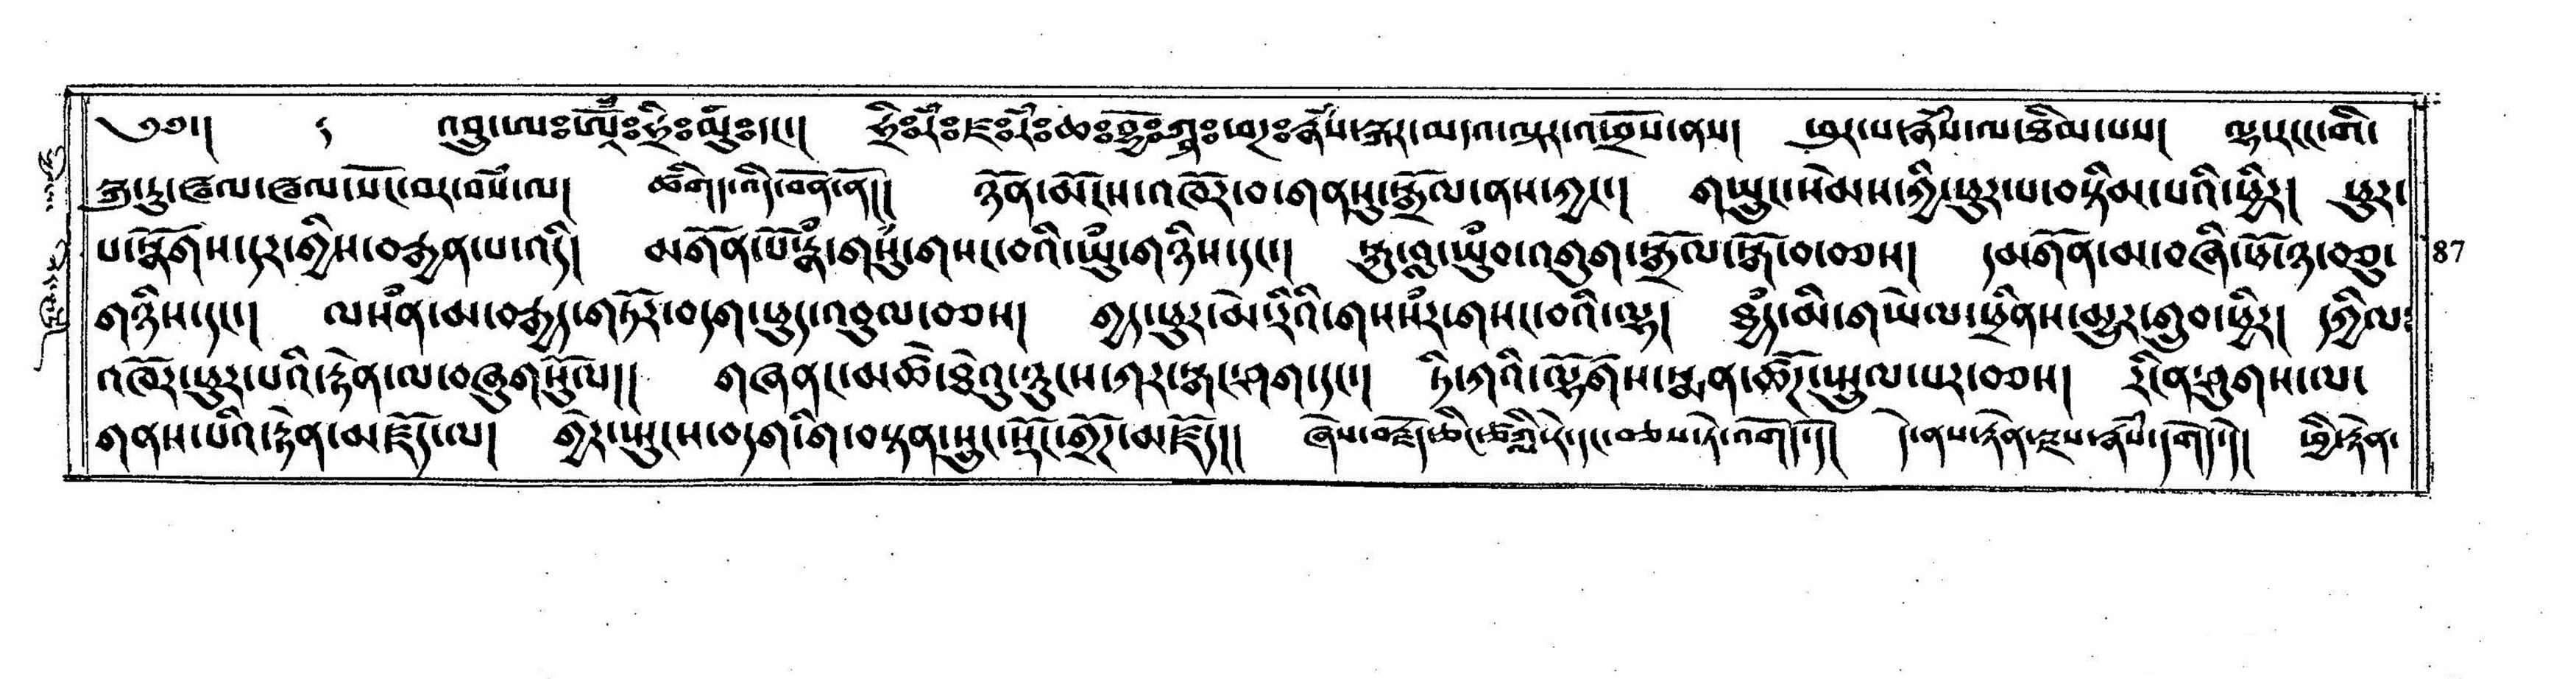འབྲུ་ཨཿཨཱོཾཿཧྲིཿམུཾཿདང་། ཧྲིཿརཾཿཛཿརཾཿཆཿབྷྱོཿཀྴཿཕཊཿརྣམས་སྐར་མདའ་ལྟར་འཕྲོས་ནས། ཕུར་པ་རྣམས་ལ་ཐིམ་པས། ལྷ་རང་རང་གི་
སྐུ་རུ་ཝལ་ཝལ་སོང་བར་བསམ་ལ། ཚིག་བཤད་འདི་བོན་ནོ།། ཉོན་མོངས་འཁོར་བ་གནས་སུ་སྒྲོལ་ནས་ཀྱང་། གཡུང་དྲུང་སེམས་ཀྱི་ཕུར་
པ་བསྟིམ་པའི་ཕྱིར། ཕུར་པ་སྣ་ཚོགས་དར་གྱིས་བརྒྱན་པ་འདི། མགོན་པོ་རྣམ་གསུམ་གསང་བའི་ཡུམ་གཉིས་དང་། སྐུ་བླ་ཡབ་ཡུམ་འགུག་སྒྲོལ་སྒོ་བ་བཅས། དམག་དཔོན་མ་བཞི་ཕོ་ཉ་བཅུ་
གཉིས་དང་། ལས་མཁན་མ་བརྒྱད་གཏོར་བདག་ཕུད་འབུལ་བཅས། གྱད་ཕུར་མེ་རིའི་གསས་མཁར་གསང་བའི་ལྷ། ཐུགས་དམ་མི་གཡེལ་ཕྲིན་ལས་མྱུར་གྲུབ་ཕྱིར། དཀྱིལ་
འཁོར་ཕུར་པའི་རྟེན་ལ་བཞུགས་སུ་གསོལ།། གཞན་ཡང་མཚེ་ཐེའུ་ཉུངས་ཀར་སྒང་ཤག་དང་། ཏི་ཀའི་ལྷ་ཚོགས་སྨན་ཚོགས་སྤྲུལ་པར་བཅས། རང་བཞིན་ཤུགས་ལ་
གནས་པའི་རྟེན་མཛོད་ལ། གྱེར་སྤུངས་བདག་གི་བསྟན་སྲུང་སྡོང་གྲོགས་མཛོད། ཞེས་བརྗོད་ཅིང་ཙཀླི་རེ་དང་བཅས་ཏེ་འགོད་དོ། དེ་ནས་རྟེན་རྫས་རྣམས་དགོད་དེ། ཕྱི་རྟེན་